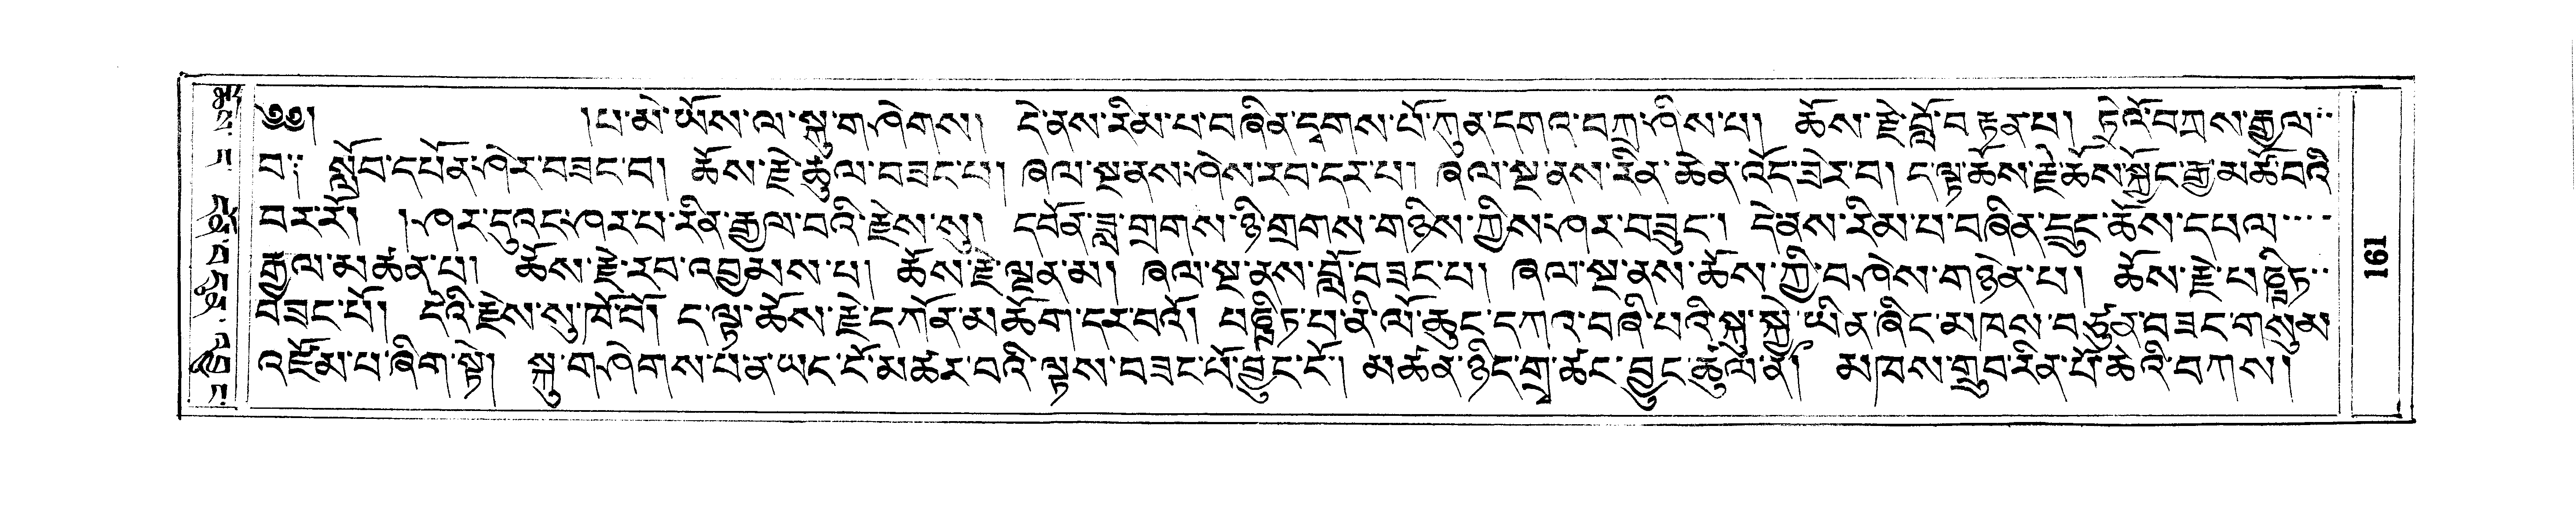༄༅། །པ་མེ་ཡོས་ལ་སྐུ་གཤེགས། དེ་ནས་རིམ་པ་བཞིན་དྭགས་པོ་ཀུན་དགའ་བཀྲ་ཤིས་པ། ཆོས་རྗེ་བློ་བརྟན་པ། ཏེའོ་བཀྲས་རྒྱལ་
བ༑ སློབ་དཔོན་ཤེར་བཟང་བ། ཆོས་རྗེ་ཚུལ་བཟང་པ། ཞལ་སྔ་ནས་ཤེས་རབ་དར་པ། ཞལ་སྔ་ནས་རིན་ཆེན་འོད་ཟེར་བ། ད་ལྟ་ཆོས་རྗེ་ཆོས་སྐྱོང་རྒྱ་མཚོ་བའི་
བར་རོ། །ཤར་དུའང་ཤར་པ་རིན་རྒྱལ་བའི་རྗེས་སུ། དབོན་ཟླ་གྲགས་ཉི་གྲགས་གཉིས་ཀྱིས་ཤར་བཟུང་། དེ་ནས་རིམ་པ་བཞིན་དྲུང་ཆོས་དཔལ་
རྒྱལ་མཚན་པ། ཆོས་རྗེ་རབ་འབྱམས་པ། ཆོས་རྗེ་ལྔན་མ། ཞལ་སྔ་ནས་བློ་བཟང་པ། ཞལ་སྔ་ནས་ཆོས་ཀྱི་བཤེས་གཉེན་པ། ཆོས་རྗེ་པཎྜིཏ་
བཟང་པོ། དེའི་རྗེས་སུ་ཁོ་བོ། ད་ལྟ་ཆོས་རྗེ་དཀོན་མཆོག་དར་བའོ། པཎྜི་ཏ་པ་ནི་ལོ་ཆུང་དཀའ་བཞི་པའི་སྐུ་སྐྱེ་ཡིན་ཞིང་མཁས་བཙུན་བཟང་གསུམ་
འཛོམ་པ་ཞིག་སྟེ། སྐུ་གཤེགས་པ་ན་ཡང་ངོ་མཚར་བའི་ལྟས་བཟང་པོ་བྱུང་ངོ། མཚན་ཉིད་གྲྭ་ཚང་བྱུང་ཚུལ་ནྀ། མཁས་གྲུབ་རིན་པོ་ཆེའི་བཀས།